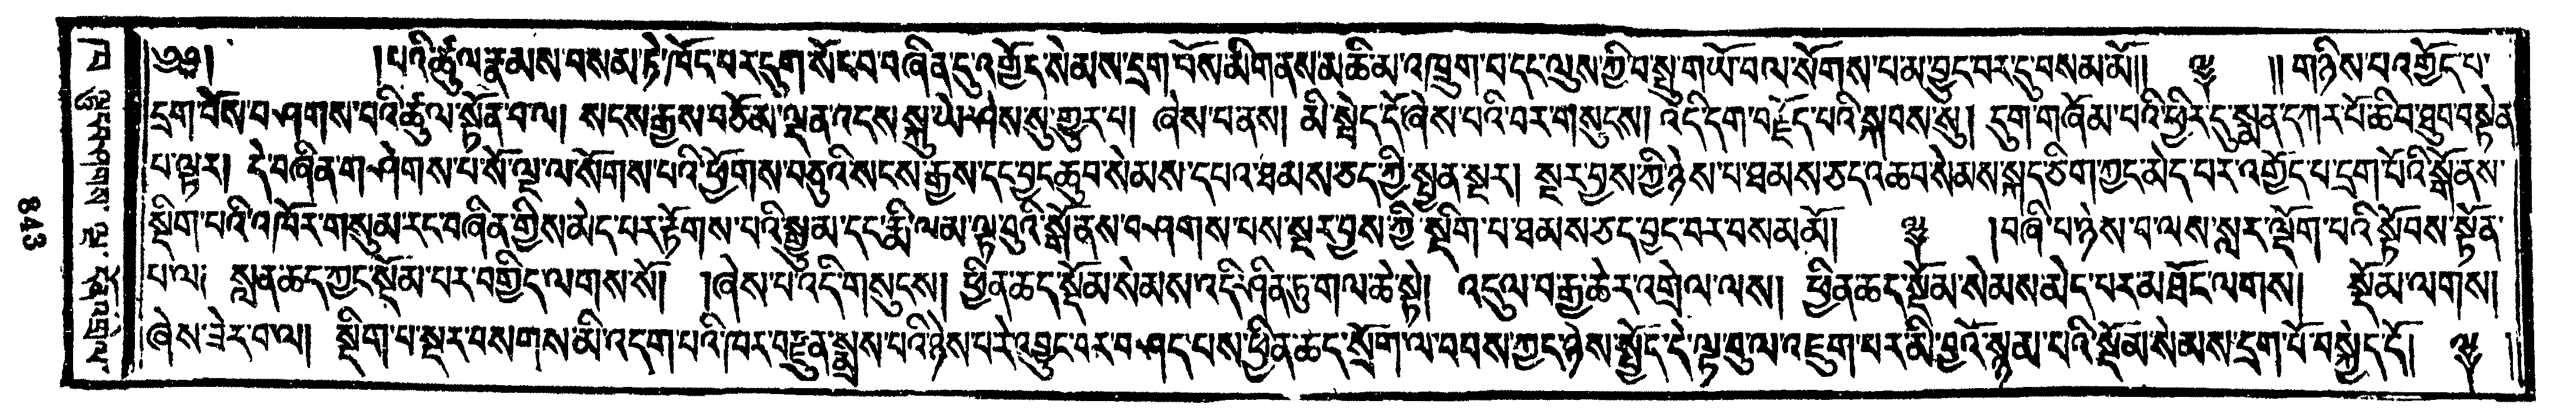༄༅། །པའི་ཚུལ་རྣམས་བསམ་ཏེ་ཁོང་པར་དུག་སོང་བ་བཞིན་དུ་འགྱོད་སེམས་དྲག་བོས་མིག་ནས་མཆིམ་འཁྲུག་པ་དང་ལུས་ཀྱི་བ་སྤུ་གཡོ་བ་ལ་སོགས་པ་མ་བྱུང་བར་དུ་བསམ་མོ།། ༈ །།གཉིས་པ་འགྱོད་པ་
དྲག་བོས་བཤགས་པའི་ཚུལ་སྟོན་པ་ལ། སངས་རྒྱས་བཅོམ་ལྡན་འདས་སྐུ་ཡེ་ཤེས་སུ་གྱུར་པ། ཞེས་པ་ནས། མི་སྤེད་དོ་ཞེས་པའི་བར་གསུངས། འདི་དག་བརྗོད་པའི་སྐབས་སུ། དུག་གཞོམ་པའི་ཕྱིར་དུ་སྨན་དཀར་པོ་ཆིབ་ཐུབ་བསྟེན་
པ་ལྟར། དེ་བཞིན་གཤེགས་པ་སོ་ལྔ་ལ་སོགས་པའི་ཕྱོགས་བཅུའི་སངས་རྒྱས་དང་བྱང་ཆུབ་སེམས་དཔའ་ཐམས་ཅད་ཀྱི་སྤྱན་སྔར། སྔར་བྱས་ཀྱི་ཉེས་པ་ཐམས་ཅད་འཆབ་སེམས་སྐད་ཅིག་ཀྱང་མེད་པར་འགྱོད་པ་དྲག་པོའི་སྒོ་ནས་
སྡིག་པའི་འཁོར་གསུམ་རང་བཞིན་གྱིས་མེད་པར་རྟོགས་པའི་སྒྱུ་མ་དང་རྨི་ལམ་ལྟ་བུའི་སྒོ་ནས་བཤགས་པས་སྔར་བྱས་ཀྱི་སྡིག་པ་ཐམས་ཅད་བྱང་བར་བསམ་མོ། ༈ །བཞི་པ་ཉེས་བ་ལས་སླར་ལྡོག་པའི་སྟོབས་སྟོན་
པ་ལ༑ སླན་ཆད་ཀྱང་སྡོམ་པར་བགྱིད་ལགས་སོ། །ཞེས་པ་འདི་གསུངས། ཕྱིན་ཆད་སྡོམ་སེམས་འདི་ཤིན་ཏུ་གལ་ཆེ་སྟེ། འདུལ་བ་རྒྱ་ཆེར་འགྲེལ་ལས། ཕྱིན་ཆད་སྡོམ་སེམས་མེད་པར་མཐོང་ལགས། སྡོམ་ལགས།
ཞེས་ཟེར་བ་ལ། སྡིག་པ་སྔར་བསགས་མི་འདག་པའི་ཁར་བརྫུན་སྨྲས་པའི་ཉེས་པ་རེ་འབྱུང་བར་བཤད་པས་ཕྱིན་ཆད་སྲོག་ལ་བབས་ཀྱང་ཉེས་སྤྱོད་དེ་ལྟ་བུ་ལ་འཇུག་པར་མི་བྱའོ་སྙམ་པའི་སྡོམ་སེམས་དྲག་པོ་བསྐྱེད་དོ། ༈ །